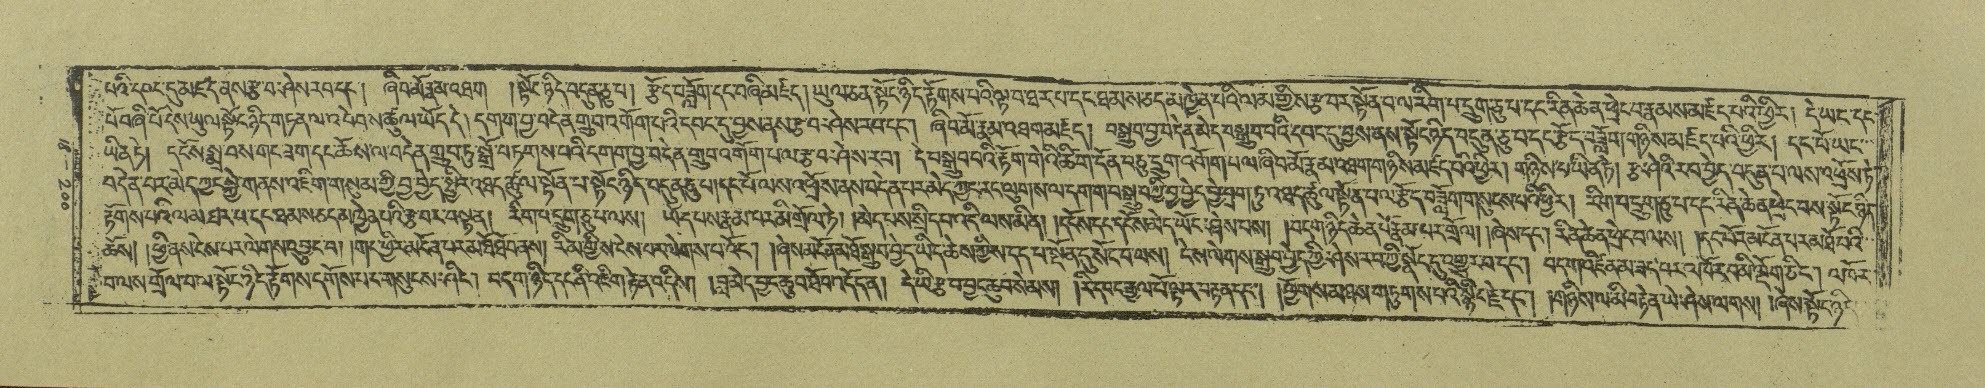པའི་དབང་དུ་མཛད་ནས་རྩ་བ་ཤེས་རབ་དང་། ཞིབ་མོ་རྣམ་འཐག །སྟོང་ཉིད་བདུན་ཅུ་བ། རྩོད་བཟློག་དང་བཞི་མཛད། ཡུལ་ཅན་སྟོང་ཉིད་རྟོགས་པའི་ལྟ་བ་ཐར་པ་དང་ཐམས་ཅད་མཁྱེན་པའི་ལམ་གྱིས་རྩ་བར་སྟོན་པ་ལ་རིག་པ་དྲུག་ཅུ་བ་དང་རིན་ཆེན་ཕྲེང་བ་རྣམས་མཛད་པའི་ཕྱིར། དེ་ཡང་དང་
པོ་བཞི་པོ་དེས་ཡུལ་སྟོང་ཉིད་གཏན་ལ་འབེབས་ཚུལ་ཡོད་དེ། དགག་བྱ་བདེན་གྲུབ་འགོག་པའི་དབང་དུ་བྱས་ནས་རྩ་བ་ཤེས་རབ་དང་། ཞིབ་མོ་རྣམ་འཐག་མཛད། བསྒྲུབ་བྱ་བདེན་མེད་བསྒྲུབ་པའི་དབང་དུ་བྱས་ནས་སྟོང་ཉིད་བདུན་ཅུ་པ་དང་རྩོད་བཟློག་གཉིས་མཛད་པའི་ཕྱིར། དང་པོ་ཡང་
ཡིན་ཏེ། དངོས་སྨྲ་བས་གང་ཟག་དང་ཆོས་ལ་བདེན་གྲུབ་ཏུ་སྒྲོ་བཏགས་པའི་དགག་བྱ་བདེན་གྲུབ་འགོག་པ་ལ་རྩ་བ་ཤེས་རབ། དེ་བསྒྲུབ་པའི་རྟོག་གེའི་ཚིག་དོན་བཅུ་དྲུག་འགོག་པ་ལ་ཞིབ་མོ་རྣམ་འཐག་གཉིས་མཛད་པའི་ཕྱིར། གཉིས་པ་ཡིན་ཏེ། རྩ་ཤེའི་རབ་བྱེད་བདུན་པ་ལས་འཕྲོས་ཏེ་
བདེན་པར་མེད་ཀྱང་སྐྱེ་གནས་འཇིག་གསུམ་གྱི་བྱ་བྱེད་སྤྱིར་འཐད་ཚུལ་སྟོན་པ་སྟོང་ཉིད་བདུན་ཅུ་པ། དང་པོ་ལས་འཕྲོས་ནས་བདེན་པར་མེད་ཀྱང་རང་ལུགས་ལ་དགག་བསྒྲུབ་ཀྱི་བྱ་བྱེད་བྱེ་བྲག་ཏུ་འཐད་ཚུལ་སྟོན་པ་ལ་རྩོད་བཟློག་གསུངས་པའི་ཕྱིར། རིག་པ་དྲུག་ཅུ་པ་དང་རིན་ཆེན་ཕྲེང་བས་སྟོང་ཉིད་
རྟོགས་པའི་ལམ་ཐར་པ་དང་ཐམས་ཅད་མཁྱེན་པའི་རྩ་བར་བསྟན། རིག་པ་དྲུག་ཅུ་པ་ལས། ཡོད་པས་རྣམ་པར་མི་གྲོལ་ཏེ། །མེད་པས་སྲིད་པ་འདི་ལས་མིན། །དངོས་དང་དངོས་མེད་ཡོད་ཤེས་པས། །བདག་ཉིད་ཆེན་པོ་རྣམ་པར་གྲོལ། །ཞེས་དང་། རིན་ཆེན་ཕྲེང་བ་ལས། །དང་པོར་མངོན་པར་མཐོ་བའི་
ཆོས། །ཕྱི་ནས་ངེས་པར་ལེགས་འབྱུང་བ། །གང་ཕྱིར་མངོན་པར་མཐོ་ཐོབ་ནས། རིམ་གྱིས་ངེས་པར་ལེགས་པ་འོང་། །ཞེས་མངོན་མཐོ་སྒྲུབ་བྱེད་ཡིད་ཆེས་ཀྱིས་དད་པ་སྔོན་དུ་སོང་བ་ལས། ངེས་ལེགས་སྒྲུབ་བྱེད་ཀྱི་ཤེས་རབ་ཀྱི་སྣོད་དུ་འགྱུར་བ་དང་། བདག་འཛིན་མ་ཟད་པར་འཁོར་བ་མི་ལྡོག་ཅིང་། འཁོར་
བ་ལས་གྲོལ་བ་ལ་སྟོང་ཉིད་རྟོགས་དགོས་པར་གསུངས་ཤིང་། བདག་ཉིད་དང་ནི་འཇིག་རྟེན་འདིས། །བླ་མེད་བྱང་ཆུབ་ཐོབ་འདོད་ན། །དེ་ཡི་རྩ་བ་བྱང་ཆུབ་སེམས། །རི་དབང་རྒྱལ་པོ་ལྟར་བརྟན་དང་། །ཕྱོགས་མཐས་གཏུགས་པའི་སྙིང་རྗེ་དང་། །གཉིས་ལ་མི་བརྟེན་ཡེ་ཤེས་ལགས། །ཞེས་སྟོང་ཉིད་